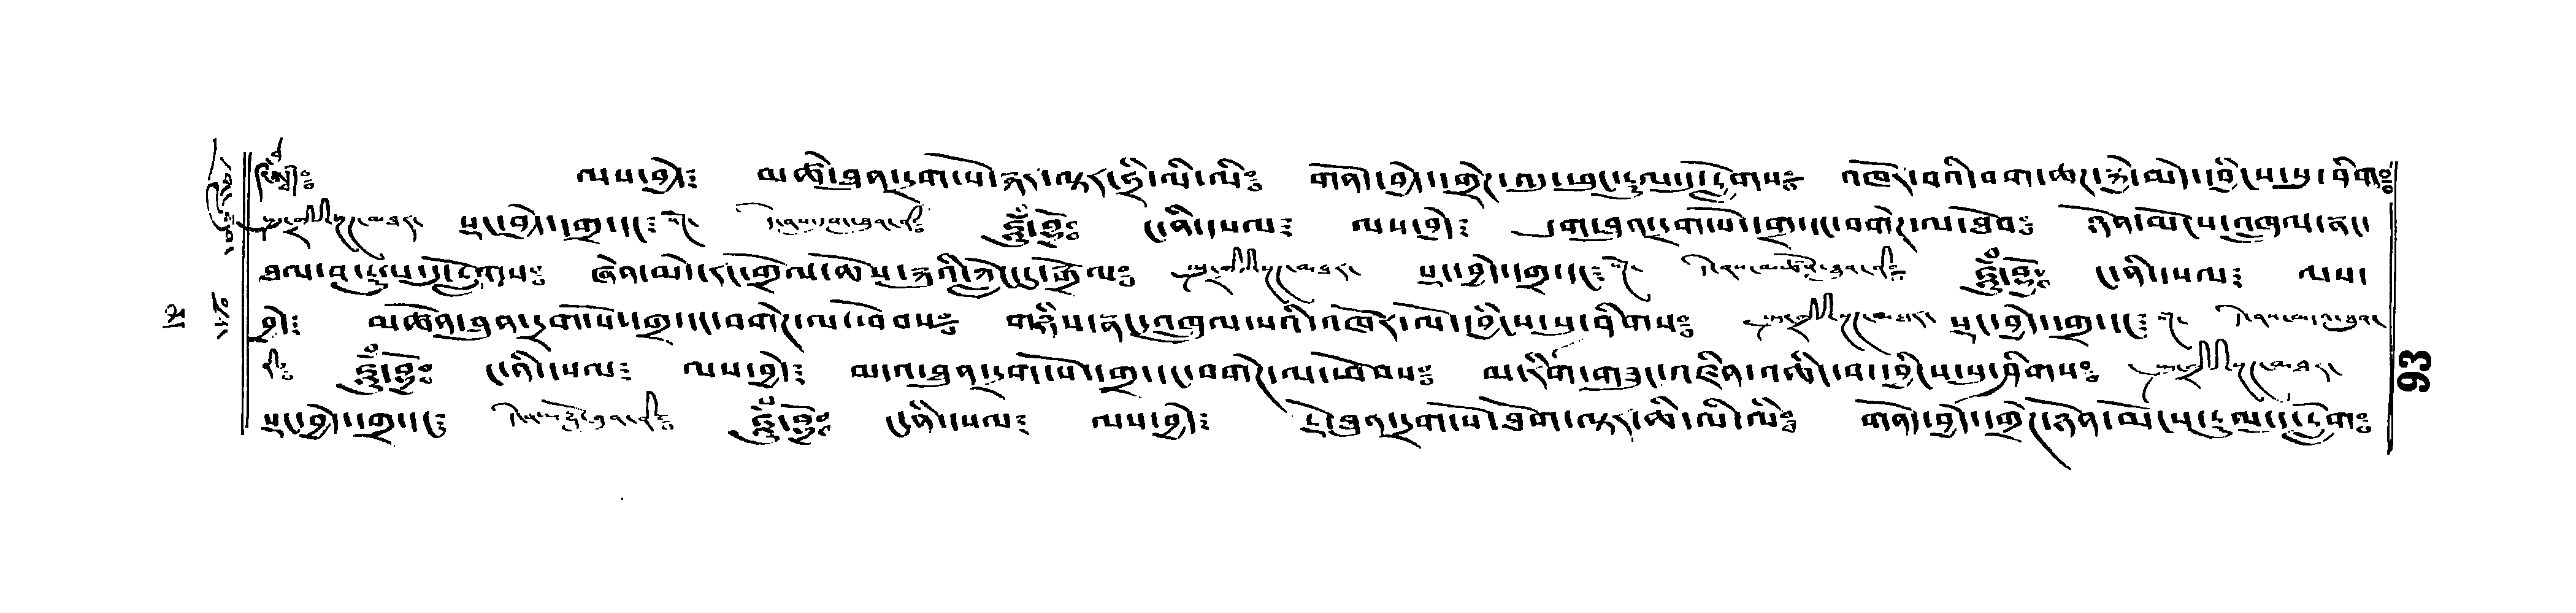ལས་བྱེད༴ མཚེ་ཐུན་དྲག་པོ་སྐར་ལྟར་ཧྲི་ལི་ལི༔ གནོད་བྱེད་དགྲ་བགེགས་འདུ་ཕུང་རྡུལ་དུ་རློགས༔ འཁོར་བའི་བག་ཆགས་སྐྱེ་མེད་དབྱིངས་སུ་ཤིག༔ 
སྤུ་གྲིའི་སྔགས་མཐར༔ སྡང་བྱེད་དགྲ་དང་སོགས༔ དེ་ནས་དུག་ཐུན་ནི༔ ཧཱུྃ་བྷྱོ༔ ང་ནི་དཔལ་ཆེན༴ ལས་བྱེད༴ དུག་ཐུན་དྲག་པོ་དགྲ་དང་བགེགས་ལ་ཐོབ༔ ཉོན་མོངས་འཁྲུལ་སྣང་
ཐལ་བ་རྡུལ་དུ་རློགས༔ ཞེན་མེད་རང་གྲོལ་ཆོས་སྐུའི་ཀློང་དུ་སྒྲོལ༔ སྤུ་གྲིའི་སྔགས་མཐར༔ སྡང་བྱེད་དགྲ་དང་སོགས༔ དེ་ནས་མཚོན་ཐུན་ནི༔ ཧཱུྃ་བྷྱོ༔ ང་ནི་དཔལ་ཆེན༴ ལས་
བྱེད༴ མཚོན་ཐུན་དྲག་པོ་དགྲ་དང་བགེགས་ལ་ཕོབས༔ གཉིས་སྣང་འཁྲུལ་པའི་འཁོར་ལོ་དབྱིངས་སུ་ཤིགས༔ སྤུ་གྲིའི་སྔགས་མཐར༔ སྡང་བྱེད་དགྲ་དང་སོགས༔ དེ་ནས་མདའ་ཐུན་
ནི༔ ཧཱུྃ་བྷྱོ༔ ང་ནི་དཔལ་ཆེན༴ ལས་བྱེད༴ མདའ་ཐུན་དྲག་པོ་དགྲ་དང་བགེགས་ལ་ཕོབས༔ མ་རིག་གཟུང་འཛིན་འཆིང་བ་དབྱིངས་སུ་ཤིགས༔ སྤུ་གྲིའི་སྔགས་མཐར༔ 
སྡང་བྱེད་དགྲ་དང་སོགས༔ དེ་ནས་རྡོ་ཐུན་ནི༔ ཧཱུྃ་བྷྱོ༔ ང་ནི་དཔལ་ཆེན༴ ལས་བྱེད༴ རྡོ་ཐུན་དྲག་པོ་ཐོག་ལྟར་ཆི་ལི་ལི༔ གནོད་བྱེད་དགྲ་བགེགས་ཉོན་མོངས་རྡུལ་དུ་རློག༔